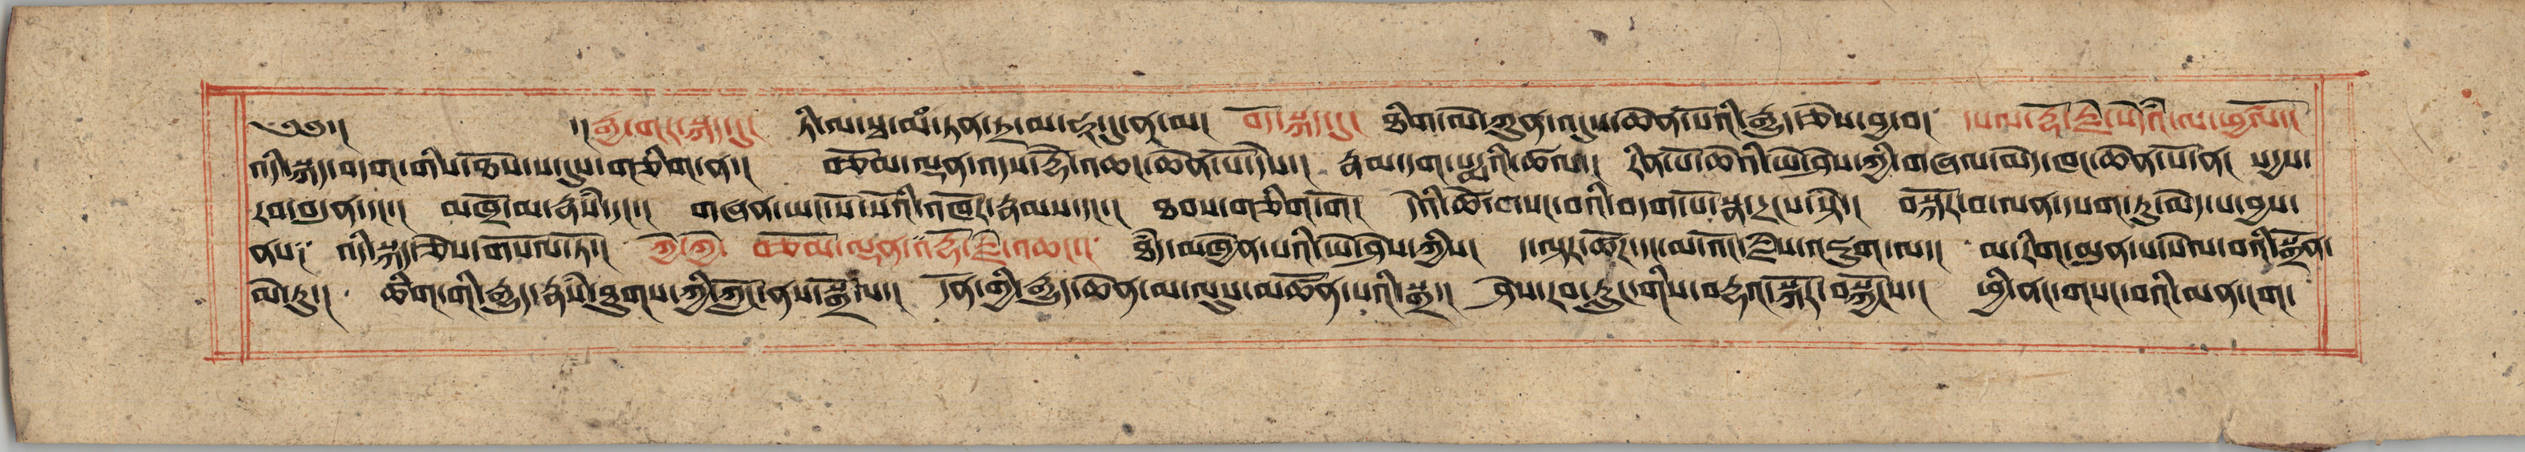༄༅་། ་།རྒྱ་གར་སྐད་དུ། ཏི་ལ་སྭ་མཾ་ཏན་ཏྲ་མ་ཧཱ་དུ་ནཱ་མ། བོད་སྐད་དུ། ཐིག་ལེ་ཀུན་འདུས་ཆེན་པོའི་རྒྱུད་ཅེས་བྱ་བ། དཔལ་རྡོ་རྗེ་སེདཾའ་ལ་ཕྱཚལོ་།
འདི་སྐད་བདག་གིས་ཐོས་པ་དུས་གཅིག་ན་། བཅོམ་ལྡན་འདས་རྡོེ་འཆང་ཆེན་པོ་དེས་། རྣམ་དག་པདྨའི་ཚལ་། རིན་པོ་ཆེའི་ཡེ་ཤེས་ཀྱི་གཞལ་མེད་ཁང་ཆེན་པོ་ན། སདྱས་
རབ་བདུན་དང་། མཁྲོ་མ་རྣཾས་དང་། གཞན་ཡང་སོ་སོའི་འཁོར་རྣམས་དང་། ཐབས་གཅིག་གོ། དེའི་ཚེ་གསང་བའི་བདག་པོ་སྣ་དྲངས་སྟེ་། བསྐོར་བ་ལན་དཔག་ཏུ་མེད་པ་བྱས་
ནས༑ འདི་སྐད་ཅེས་གསོལ་ཏོ་། ཀྱེ་ཀྱེ་ བཅོམ་ལྡན་རྡོ་རྗེ་འཆང་་། ཐཾད་མཁྱེན་པའི་ཡེ་ཤེས་ཀྱིས་། ད་ལྟ་ཚོཌ་དང་མ་འོང་རྗེས་འཇུག་ལ་། མ་རིག་མུན་པ་སེལ་བའི་སྒྲོན་
མེ་ཏུ་། ཚིག་གི་རྒྱུད་རྣཾས་ཐུགས་ཀྱི་ཀློང་ནས་སྒྲོལ་། དོན་གྱི་རྒྱུད་ཆེན་མ་ལུས་མཚོན་པའི་སྒྲ་། ཤེས་རབ་རླུང་གིས་བརྡའ་སྐོར་བསྐྱོངས་། ཕྱི་ནང་གསང་བའི་མན་ངག་